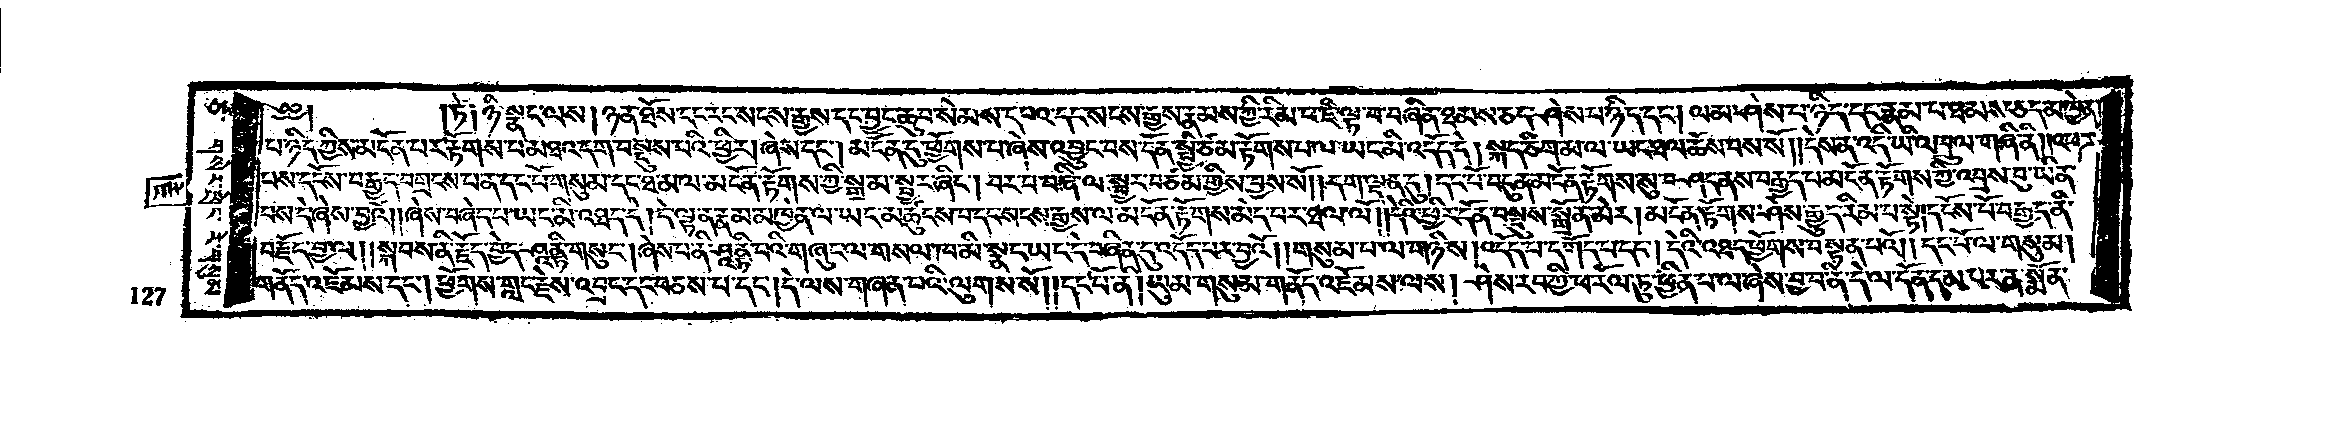༄༅། །ཏེ། ཉི་སྣང་ལས། ཉན་ཐོས་དང་རང་སངས་རྒྱས་དང་བྱང་ཆུབ་སེམས་དཔའ་དང་སངས་རྒྱས་རྣམས་ཀྱི་རིམ་པ་ཇི་ལྟ་བ་བཞིན་ཐམས་ཅད་ཤེས་པ་ཉིད་དང་། ལམ་ཤེས་པ་ཉིད་དང་རྣམ་པ་ཐམས་ཅད་མཁྱེན་
པ་ཉིད་ཀྱིས་མངོན་པར་རྟོགས་པ་མཐའ་དག་བསྡུས་པའི་ཕྱིར། ཞེས་དང་། མངོན་དུ་ཕྱོགས་པ་ཞེས་འབྱུང་བས་དོན་སྤྱི་ཙམ་རྟོགས་པ་ལ་ཡང་མི་འདོད་དེ། སྐད་ཅིག་མ་ལ་ཡང་ཐལ་ཆེས་བས་སོ། །དེས་ན་འདི་ཡི་འཁྲུལ་གཞི་ནི། འཕགས་
པས་དངོས་བརྒྱད་བགྲངས་པ་ན་དང་པོ་གསུམ་དང་ཐ་མ་ལ་མངོན་རྟོགས་ཀྱི་སྒྲ་མ་སྦྱར་ཞིང་། བར་པ་བཞི་ལ་སྦྱར་བ་ཙམ་གྱིས་བྱས་སོ། །དག་ལྡན་དུ། དང་པོ་བདུན་མངོན་རྟོགས་སུ་བཤད་ནས་བརྒྱད་པ་མངོན་རྟོགས་ཀྱི་འབྲས་བུ་ཡིན་
པས་དེ་ཞེས་བྱའོ། །ཞེས་བཞེད་པ་ཡང་མི་འཐད་དེ། དེ་ལྟ་ན་རྣམ་མཁྱེན་ལ་ཡང་མཚུངས་པ་དང་སངས་རྒྱས་ལ་མངོན་རྟོགས་མེད་པར་ཐལ་ལོ། །དེའི་ཕྱིར་དོན་བསྡུས་སྒྲོན་མེར། མངོན་རྟོགས་ཤེས་རྒྱུད་རིམ་པ་སྟེ། དངོས་པོ་བརྒྱད་ནི་
བརྗོད་བྱ་ལ། །སྐབས་ནི་རྗོད་བྱེད་ཤཱནྟི་གསུང་། ཞེས་པ་ནི་ཤཱ་ནྟི་པའི་གཞུང་ལ་གསལ་ཁ་མི་སྣང་ཡང་དེ་བཞིན་དུ་འདོད་པར་བྱའོ། །གསུམ་པ་ལ་གཉིས། འདོད་པ་དགོད་པ་དང་། དེའི་འཐད་ཕྱོགས་བསྟན་པའོ། །དང་པོ་ལ་གསུམ།
གནོད་འཇོམས་དང་། ཕྱོགས་གླང་རྗེས་འབྲང་དང་བཅས་པ་དང་། དེ་ལས་གཞན་པའི་ལུགས་སོ། །དང་པོ་ནི། ཡུམ་གསུམ་གནོད་འཇོམས་ལས། ཤེས་རབ་ཀྱི་ཕ་རོལ་ཏུ་ཕྱིན་པ་ལ་ཞེས་བྱ་བ་ནི་དེ་ལ་དོན་དམ་པར་ན་སྨོན་